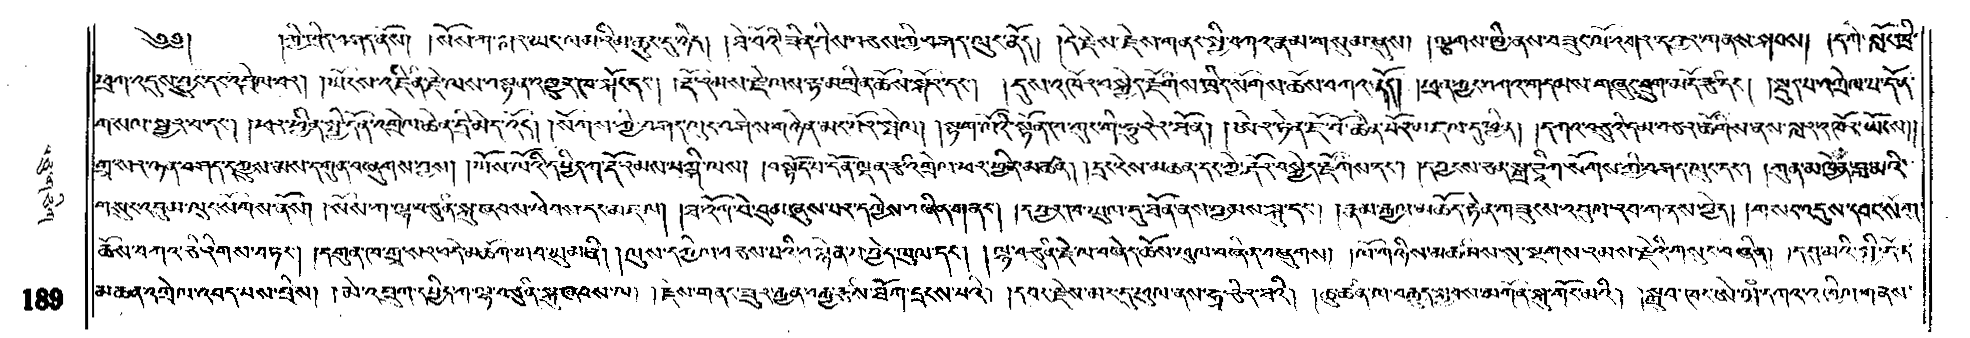༄༅། །ཀྱི་ཁྲིད་བཤད་ནོས། །སོས་ཀ་སླར་ཡང་ལམ་རིམ་ཆུང་དུ་ཉིད། །ཐེ་བོའི་ཟིན་བྲིས་བཅས་ཀྱི་བཤད་ལུང་ནོད། །དེ་རྗེས་རྗེས་གནང་སྤྱི་བཀའ་རྣམ་གསུམ་ཞུས། །ལྕགས་ཁྱི་ནས་བཟུང་ལོ་འགར་དབྱར་གནས་སྐབས། །དགེ་སློང་ཁྲི་
ཕྲག་འདུས་བྱུང་དང་འབྲེལ་བར། །ཡོངས་འཛིན་རྗེ་ལས་བསྟན་འགྱུར་ཁ་སྐོར་དང་། །རྡོ་རམས་རྗེ་ལས་རྟ་མགྲིན་ཆོས་སྐོར་དང་། །དུས་འཁོར་བསྐྱེད་རྫོགས་ཁྲིད་སོགས་ཆོས་བཀའ་དོད། །ཕྲན་ཀྱང་བཀའ་གདམས་གཞུང་དྲུག་མདོ་རྩ་དང་། །སྡུད་པ་འགྲེལ་པ་དོན་
གསལ་སྦྱར་བ་དང་། །ཕར་ཕྱིན་སྤྱི་དོན་འགྲེལ་ཆེན་དྲི་མེད་འོད། །སོགས་ཀྱི་བཤད་ལུང་བཤེས་གཉེན་མང་པོར་སྤེལ། །སྟག་ལོའི་སྟོན་ཁ་གུང་གི་ཧུ་རེར་ཐོན། །ཨེར་ཏེ་ན་ཇོ་བོ་ཆེན་པོར་མཇལ་དུ་ཕྱིན། །དཀའ་བཅུའི་དམ་བཅར་ཚོགས་ནས་སླར་འཁོར་ཡོངས།།
གྲྭ་སར་ཉན་བཤད་དཀྱུས་མས་དགུན་བཞུགས་བྱས། །ཡོས་ལོའི་དཔྱིད་ཀ་རྡོ་རམས་པཀྴི་ལས། །བསྟོད་པ་དོན་ལྡན་རྩ་འགྲེལ་ཕར་ཕྱིན་མཚན། །དྲང་ངེས་མཆན་དང་ཀྱེ་རྡོར་བསྐྱེད་རྫོགས་དང་། །དབྱངས་ཅན་སྒྲ་ཊཱིཀ་སོགས་ཀྱི་བཤད་ལུང་དང་། །ཀུན་མཁྱེན་བླ་མའི་
གསུང་འབུམ་ལུང་སོགས་ནོས། །སོ་སོ་ཀ་ལྷ་བཅུ་ནི་སྐུ་ཞབས་ཕེབས་དང་མཇལ། །ཐ་འོག་བེ་བུམ་ཞུས་པར་དགྱེས་བཞིན་གནང་། །དབྱར་ཁ་ཡུལ་དུ་ཐོན་ནས་བྱམས་སྐུ་དང་། །རྣམ་རྒྱལ་མཆོད་རྟེན་གཟུངས་འབུལ་རབ་གནས་བྱེད། །གསང་འདུས་དབང་སོགས་
ཆོས་བཀའ་ཅི་རིགས་བཏང་། །དགུན་ཁ་གྲྭ་སར་བདེ་མཆོག་ཡབ་ཡུམ་ནི། །ལུས་དཀྱིལ་བཅས་པའི་བསྙེན་པ་བྱེད་ཁུལ་དང་། །ལྷ་བཅུ་ནི་རྗེ་ལ་བཞེད་ཆོས་ཕུལ་བཞིན་བཞུགས། །ལོ་གཉིས་མཚམས་སུ་སྔགས་རམས་རྗེའི་གསུང་བཞིན། །དབུ་མའི་སྤྱི་དོན་
མཆན་འགྲེལ་འབད་པས་བྲིས། །མེ་འབྲུག་དཔྱིད་ཀ་ལྷ་བཅུ་ནི་སྐུ་ཞབས་ལ། །རྗེས་གནང་ཟུར་རྒྱན་བརྒྱ་རྩིས་ཐོག་དྲངས་པའི། །དབང་རྗེས་མང་དུ་ཕུལ་ནས་ཧྭ་ཅིར་ཐའི། །ཆུ་ཚན་ལ་བརྒྱུད་སྐྱབས་མགོན་སྐུ་གོང་མའི། །སྒྲུབ་ཁང་ཨེ་ཝཾ་དགའ་འཁྱིལ་གནས་